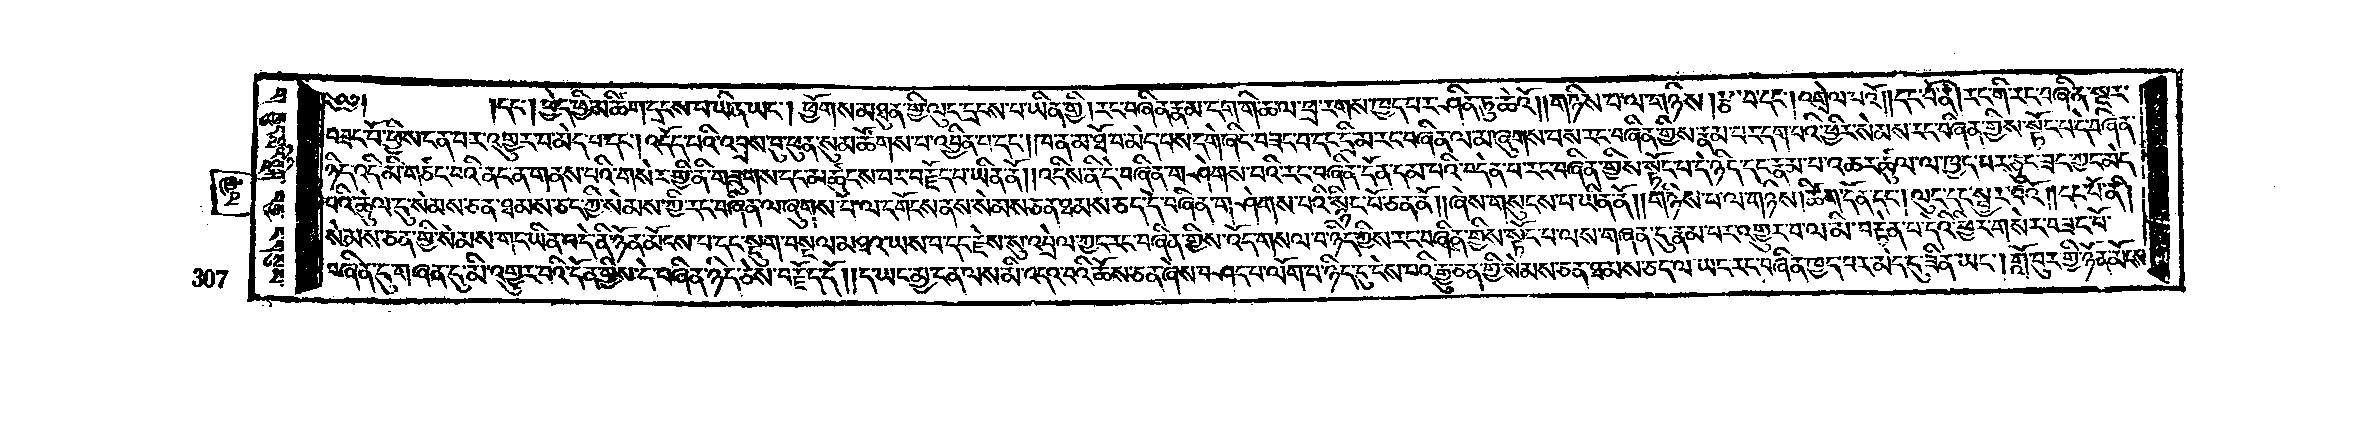༄༅། །དང༑ ཕྱེད་ཕྱི་མ་ཚིག་དྲངས་པ་ཡིན་ཡང་། ཕྱོགས་མཐུན་གྱི་ལུང་དྲངས་པ་ཡིན་གྱི་།རང་བཞིན་རྣམ་དག་གི་ཆ་ལ་ཕྲ་རགས་ཁྱད་པར་ཤིན་ཏུ་ཆེའོ། །གཉིས་པ་ལ་གཉིས། རྩ་བ་དང་། འགྲེལ་པའོ། །དང་པོ་ནི། རང་གི་རང་བཞིན་སྔར་
བཟང་པོ་ཕྱིས་ངན་པར་འགྱུར་བ་མེད་པ་དང་། འདོད་པའི་འབྲས་བུ་ཕུན་སུམ་ཚོགས་པ་འབྱིན་པ་དང་། ཁ་ན་མ་ཐོ་བ་མེད་པས་དགེ་ཞིང་བཟང་བ་དང་དྲི་མ་རང་བཞིན་ལ་མ་ཞུགས་པས་རང་བཞིན་གྱིས་རྣམ་པར་དག་པའི་ཕྱིར་སེམས་རང་བཞིན་གྱིས་སྟོང་པ་དེ་བཞིན་
ཉིད་འདི་མི་གཙང་བའི་ནང་ན་གནས་པའི་གསེར་གྱི་ནི་གཟུགས་དང་མཚུངས་པར་བརྗོད་པ་ཡིན་ནོ། །འདིས་ནི་དེ་བཞིན་གཤེགས་པའི་རང་བཞིན་དོན་དམ་པའི་བདེན་པ་རང་བཞིན་གྱིས་སྟོང་པ་དེ་ཉིད་དང་རྣམ་པ་འཆར་ཚུལ་ལ་ཁྱད་པར་ཅུང་ཟད་ཀྱང་མེད་
པའི་ཚུལ་དུ་སེམས་ཅན་ཐམས་ཅད་ཀྱི་སེམས་ཀྱི་རང་བཞིན་ལ་ཞུགས་པ་ལ་དགོངས་ནས་སེམས་ཅན་ཐམས་ཅད་དེ་བཞིན་གཤེགས་པའི་སྙིང་པོ་ཅན་ནོ། །ཞེས་གསུངས་པ་ཡིན་ནོ། །གཉིས་པ་ལ་གཉིས། ཚིག་དོན་དང་། ལུང་དང་སྦྱར་བའོ། །དང་པོ་ནི།
སེམས་ཅན་གྱི་སེམས་གང་ཡིན་པ་དེ་ནི་ཉོན་མོངས་པ་དང་སྡུག་བསྔལ་མཐའ་ཡས་པ་དང་རྗེས་སུ་འབྲེལ་ཀྱང་རང་བཞིན་གྱིས་འོད་གསལ་བ་ཉིད་ཀྱིས་རང་བཞིན་གྱིས་སྟོང་པ་ལས་གཞན་དུ་རྣམ་པར་འགྱུར་བ་ལ་མི་བརྟེན་པ་དེའི་ཕྱིར་གསེར་བཟང་པོ་
བཞིན་དུ་གཞན་དུ་མི་འགྱུར་བའི་དོན་གྱིས་དེ་བཞིན་ཉིད་ཅེས་བརྗོད་དོ། །དེ་ཡང་མྱ་ངན་ལས་མི་འདའ་བའི་ཆོས་ཅན་ཞེས་བཤད་པ་ལོག་པ་ཉིད་དུ་ངེས་པའི་རྒྱུ་ཅན་གྱི་སེམས་ཅན་ཐམས་ཅད་ལ་ཡང་རང་བཞིན་ཁྱད་པར་མེད་དུ་ཟིན་ཡང་། གློ་བུར་གྱི་ཉོན་མོངས་